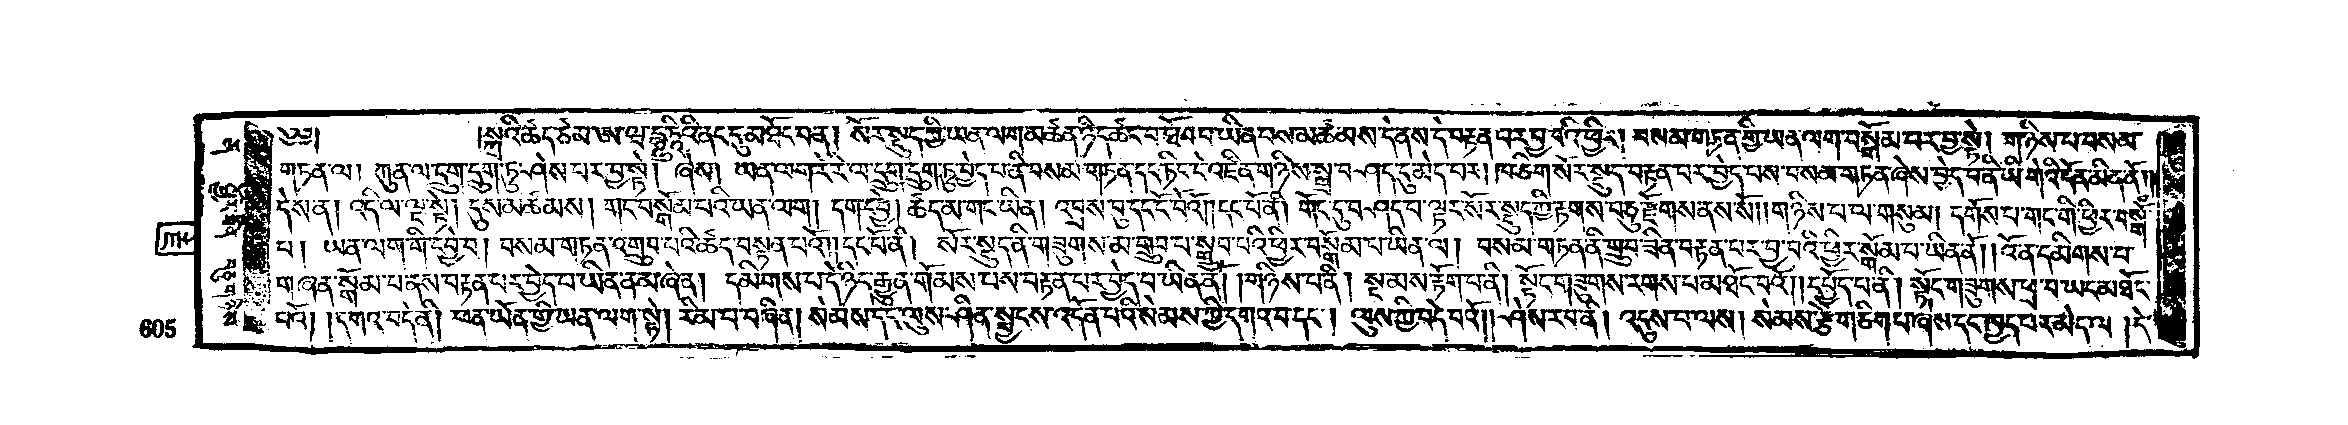༄༅། །སྐྲའི་ཚད་ཙམ་ཨ་ཝ་དྷཱུ་ཏཱིའི་ནང་དུ་མཐོང་བ་ན། སོར་སྡུད་ཀྱི་ཡན་ལག་མཚན་ཉིད་ཚང་བ་ཐོབ་པ་ཡིན་པས་མཚམས་དེ་ནས་དེ་བརྟན་པར་བྱ་བའི་ཕྱིར། བསམ་གཏན་གྱི་ཡན་ལག་བསྒོམ་པར་བྱ་སྟེ། གཉིས་པ་བསམ་
གཏན་ལ། ཀུན་ལ་དྲུག་དྲུག་ཏུ་ཤེས་པར་བྱ་སྟེ། ཞེས། ཡན་ལག་རེ་རེ་ལ་དྲུག་དྲུག་ཏུ་བྱེད་པ་ནི་བསམ་གཏན་དང་ཏིང་ངེ་འཛིན་གཉིས་སྒྲ་བཤད་དུ་མེད་པར། ཁ་ཅིག་སོར་སྡུད་བརྟན་པར་བྱེད་པས་བསམ་གཏན་ཞེས་བྱེད་པ་ནི་ཡི་གེའི་དོན་མིན་ནོ།།
དེས་ན། འདི་ལ་ལྔ་སྟེ། དུས་མཚམས། གང་བསྒོམ་པའི་ཡན་ལག །དག་དབྱེ། ཚད་མ་གང་ཡིན། འབྲས་བུ་དང་ངོ་བོའོ། །དང་པོ་ནི། གོང་དུ་བཤད་པ་ལྟར་སོར་སྡུད་ཀྱི་རྟགས་བཅུ་རྫོགས་ནས་སོ། །གཉིས་པ་ལ་གསུམ། དགོས་པ་གང་གི་ཕྱིར་བསྒོམ་
པ། ཡན་ལག་གི་དབྱེ་བ། བསམ་གཏན་འགྲུབ་པའི་ཚད་བསྟན་པའོ། །དང་པོ་ནི། སོར་སྡུད་ནི་གཟུགས་མ་གྲུབ་པ་སྒྲུབ་པའི་ཕྱིར་བསྒོམ་པ་ཡིན་ལ། བསམ་གཏན་ནི་གྲུབ་ཟིན་བརྟན་པར་བྱ་བའི་ཕྱིར་སྒོམ་པ་ཡིན་ནོ། །འོ་ན་དམིགས་པ་
གཞན་སྒོམ་པ་ནས་བརྟན་པར་བྱེད་པ་ཡིན་ནམ་ཞེ་ན། དམིགས་པ་དེ་ཉིད་རྒྱུན་གོམས་པས་བརྟན་པར་བྱེད་པ་ཡིན་ནོ། །གཉིས་པ་ནི། སྔ་མས་རྟོག་པ་ནི། སྟོང་གཟུགས་རགས་པ་མཐོང་བའོ། །དཔྱོད་པ་ནི། སྟོང་གཟུགས་ཕྲ་བ་ཡང་མཐོང་
བའོ། །དགའ་བདེ་ནི། ཕན་ཡོན་གྱི་ཡན་ལག་སྟེ། རིམ་པ་བཞིན། སེམས་དང་ལུས་ཤིན་སྦྱངས་འདོན་པའི་སེམས་ཀྱི་དགའ་བ་དང་། ལུས་ཀྱི་བདེ་བའོ། །ཤེས་རབ་ནི། འདུས་པ་ལས། སེམས་རྩེ་གཅིག་པ་ཞེས་དང་ཁྱད་པར་མེད་ལ། དེ་